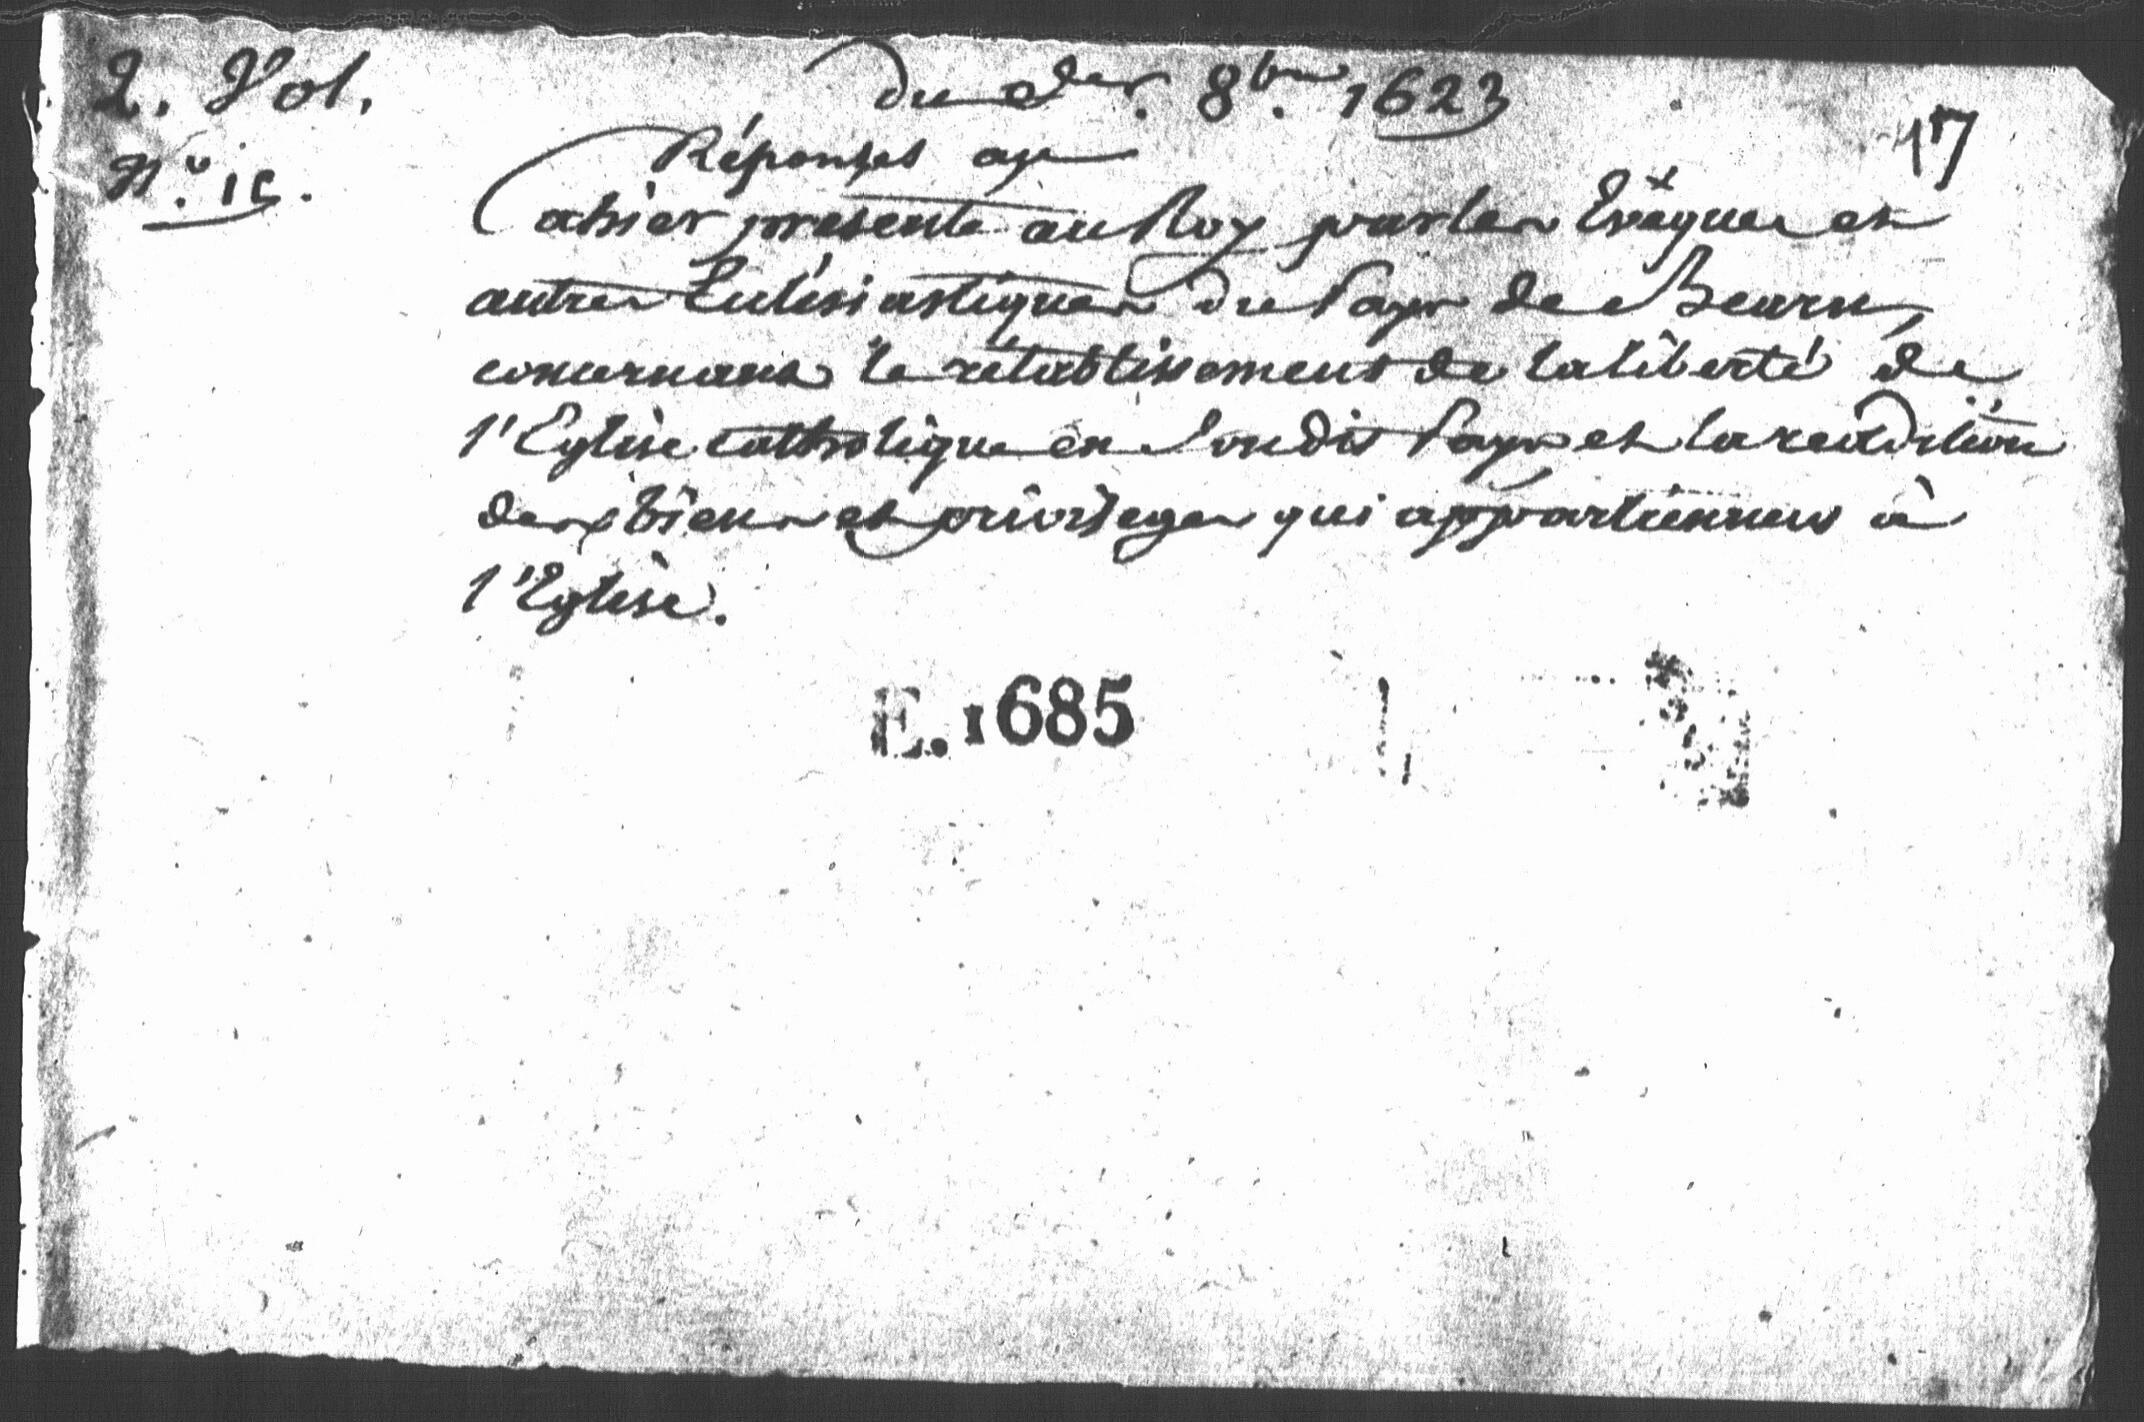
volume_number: n°15
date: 31 octobre 1623
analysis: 17
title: Réponses au cahier présenté au Roy par les Eveques et autres Ecclésiastiques du Pays de Bearn concernant le rétablissement de la liberté de l'Eglise catholique en sondit Pays et la reddition des biens et privilèges qui appartiennent à l'Eglise.
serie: E
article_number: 1685
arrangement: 2. vol.
